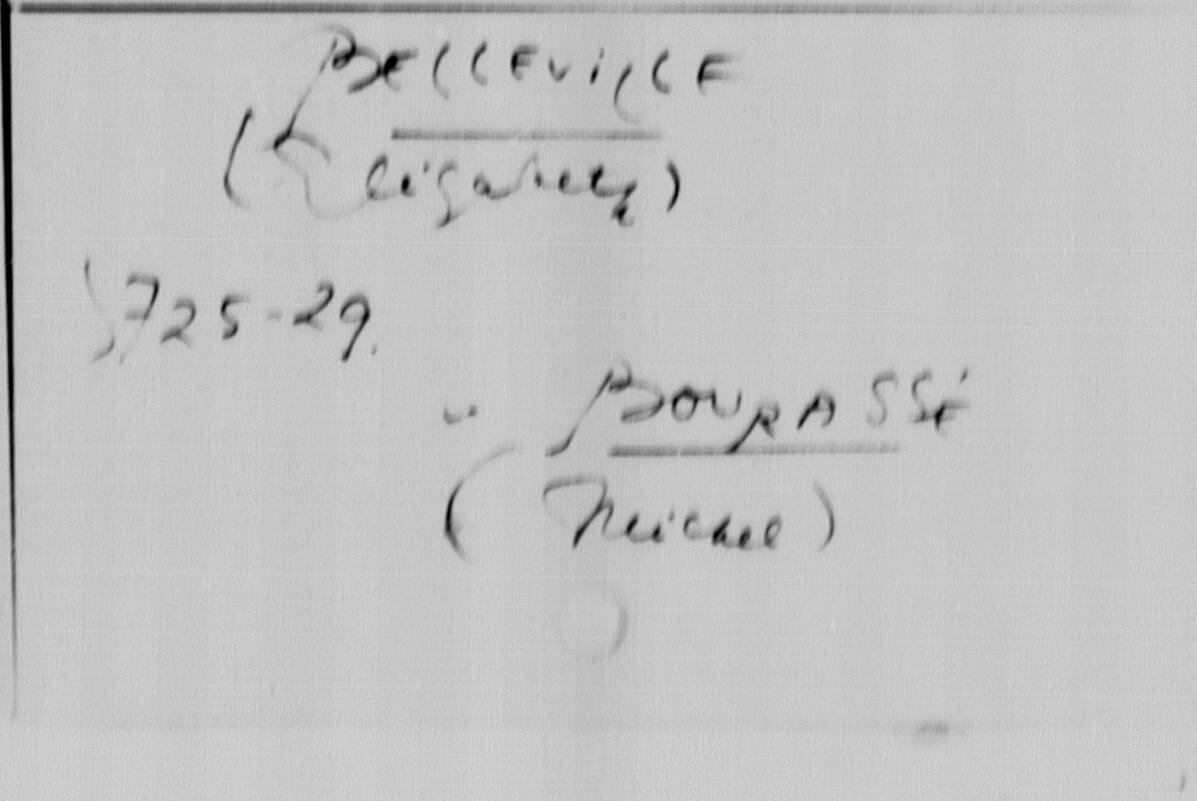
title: BELLEVILLE (Elisaberh)
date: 1725-1729
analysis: Voir BOURASSÉ (Michel)
